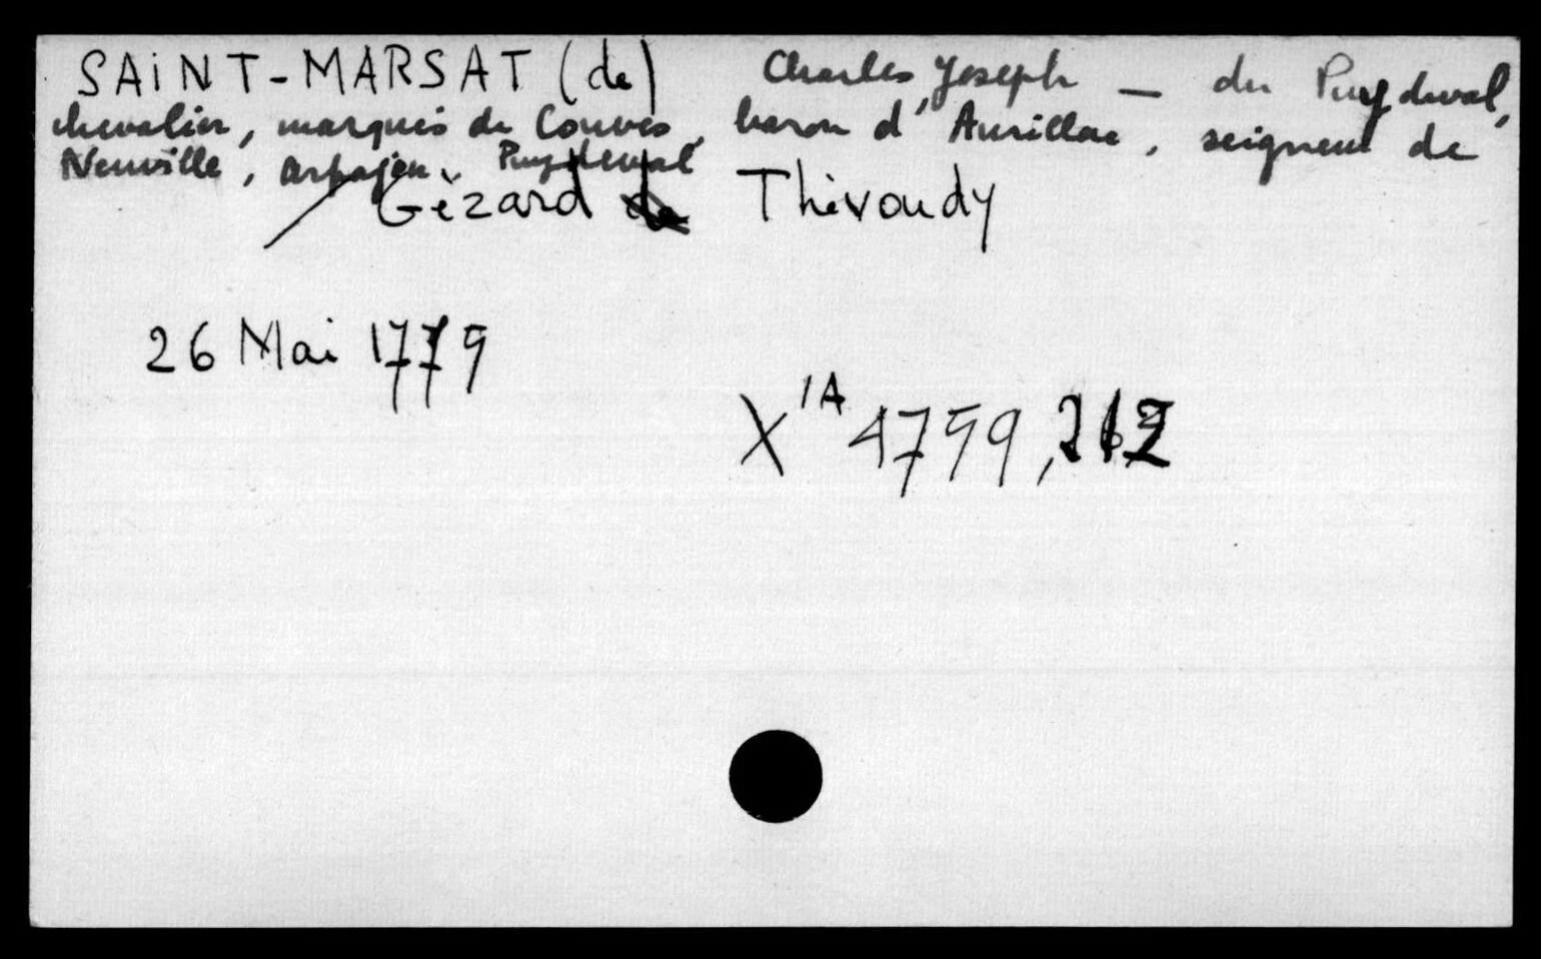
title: SAINT-MARSAT (de) Charles Joseph - du Puy Duval, chevalier, marquis de Couves, baron d'Aurillac, seigneur Neuville, Arpajon, Puyleval
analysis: Contre Gérard Thivoudy
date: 26 mai 1775
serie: X1A
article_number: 4759
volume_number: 212
